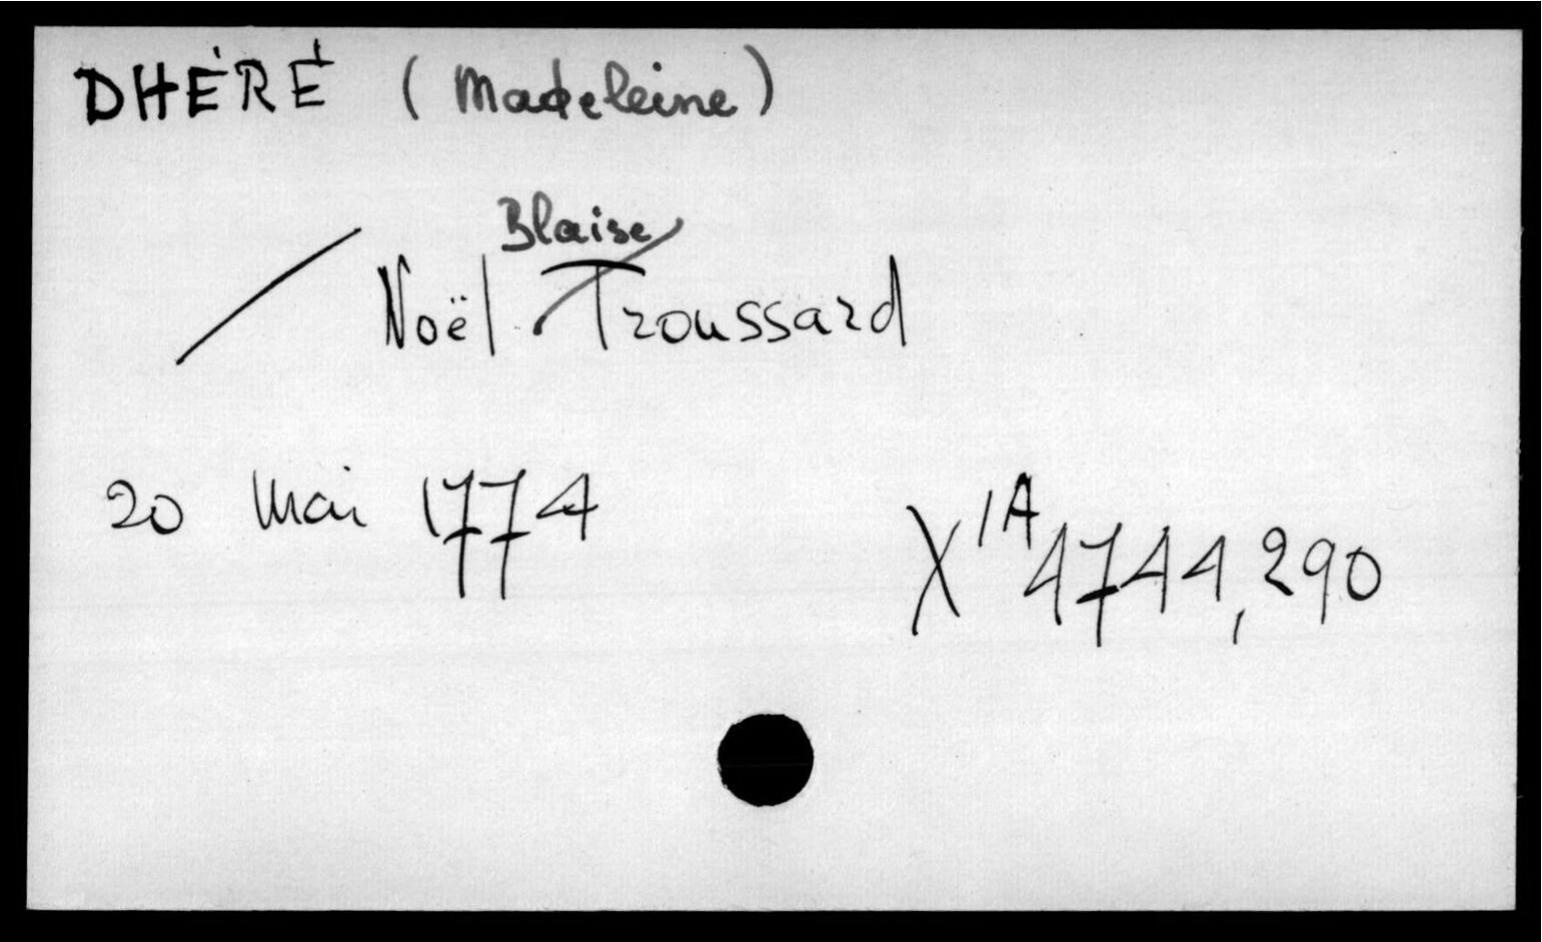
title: DHERÉ (Madeleine)
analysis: Contre Noël Blaise Troussard
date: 20 mai 1774
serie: X1A
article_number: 4744
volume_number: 290
